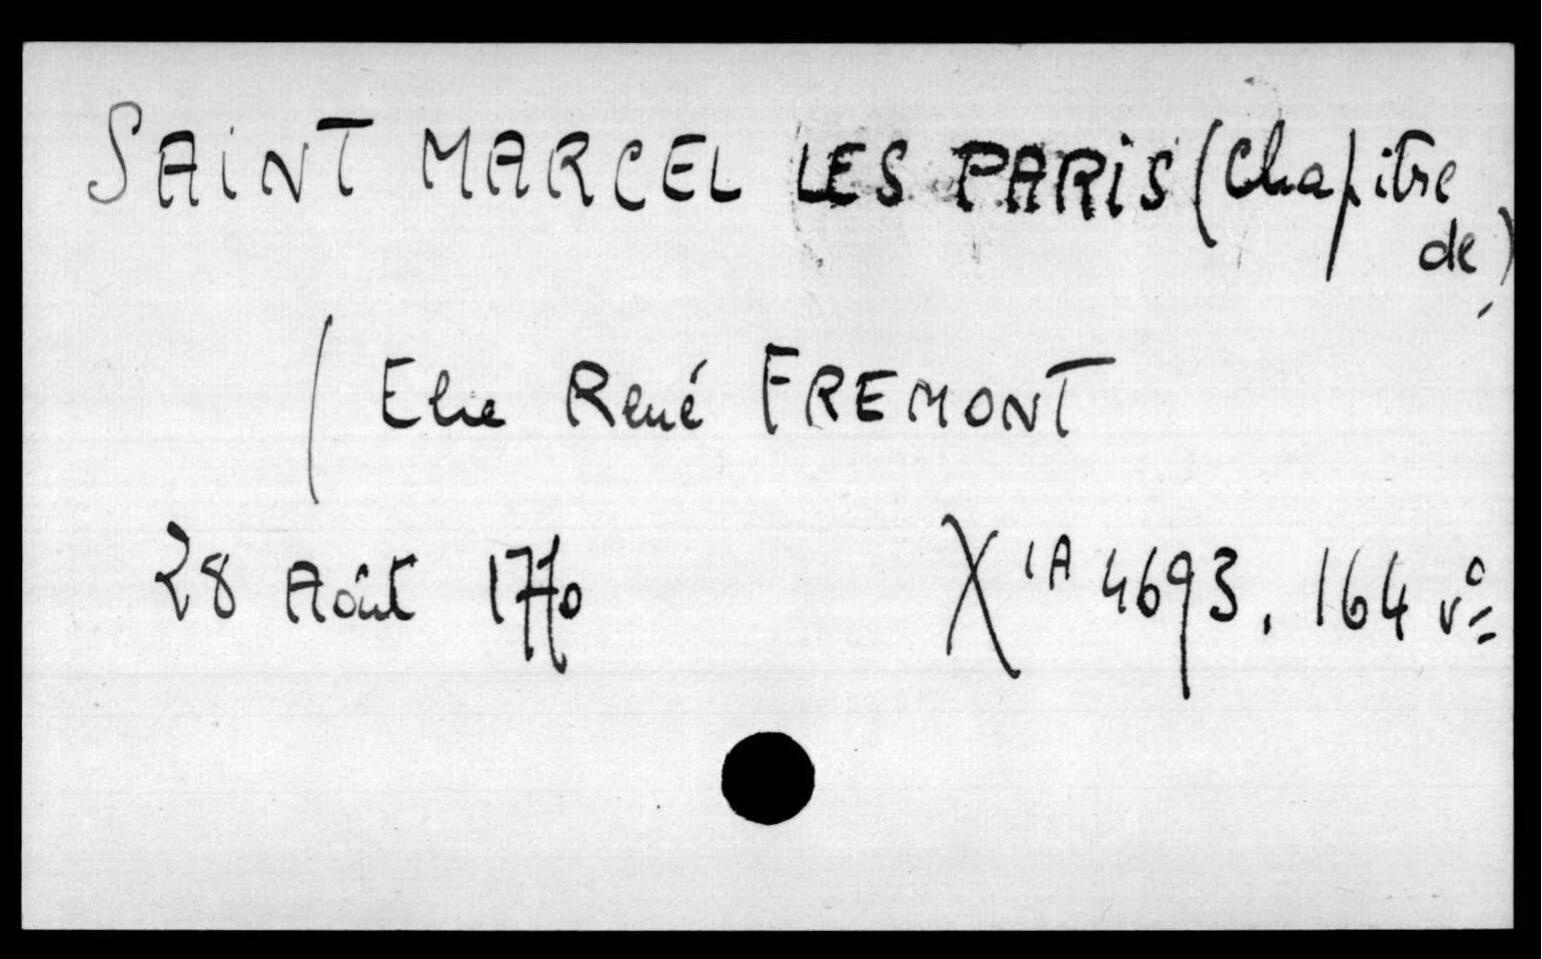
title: SAINT MARCEL LES-PARIS (Chapitre de)
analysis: Contre Élie René FREMONT
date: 28 août 1770
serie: X1A
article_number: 4693
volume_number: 164v
